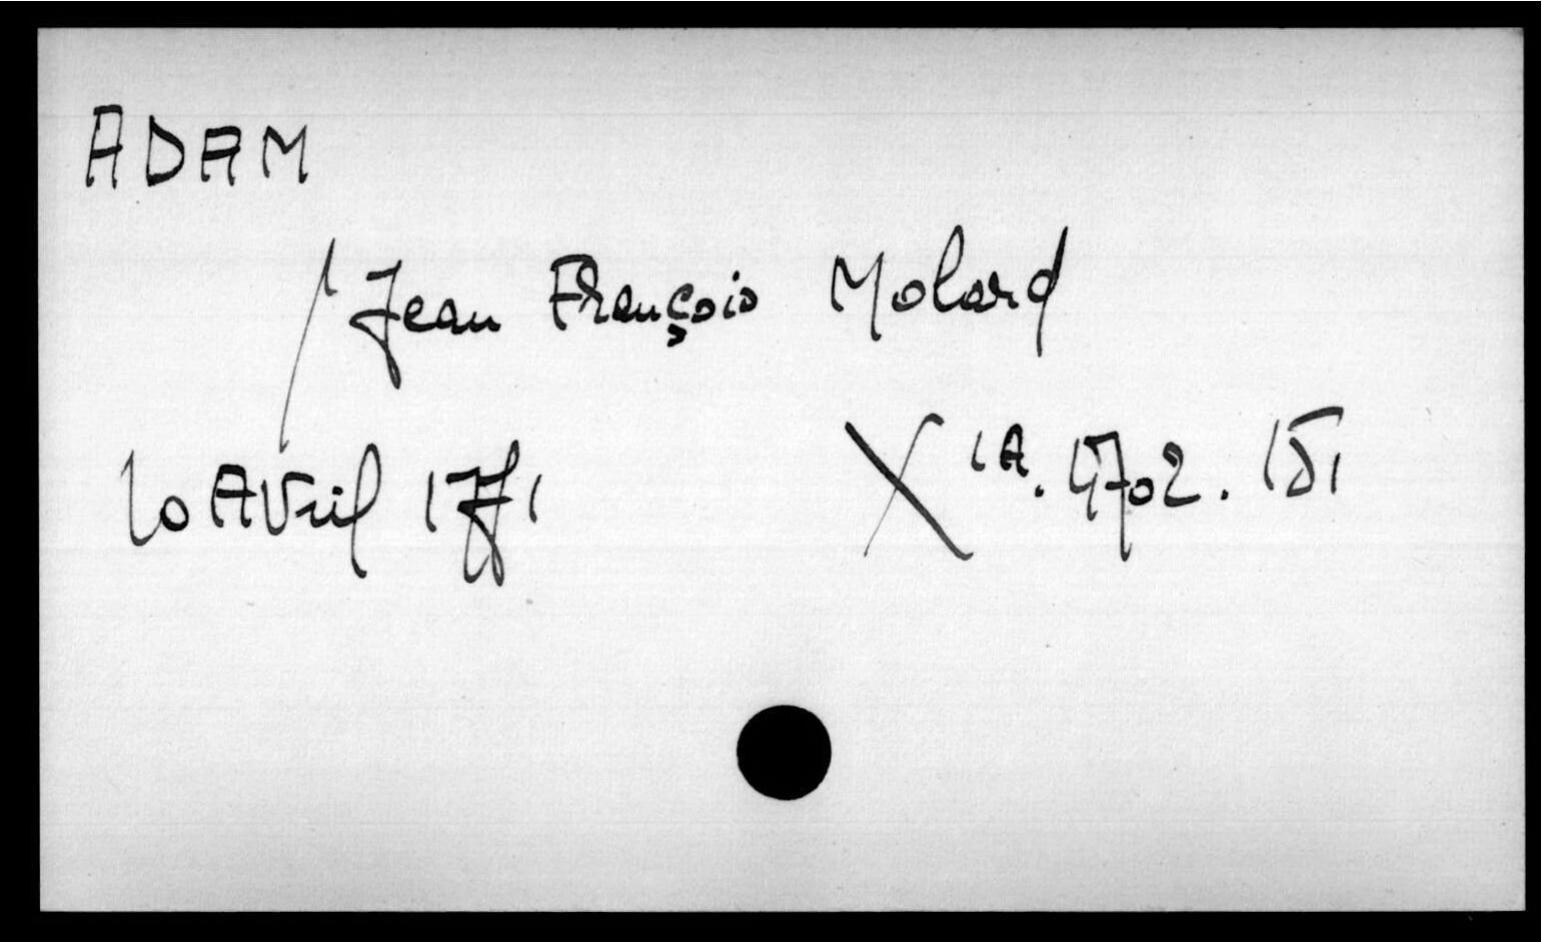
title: ADAM
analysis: Contre Jean François Molard
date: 10 avril 1771
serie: X1A
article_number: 4702
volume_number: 151
